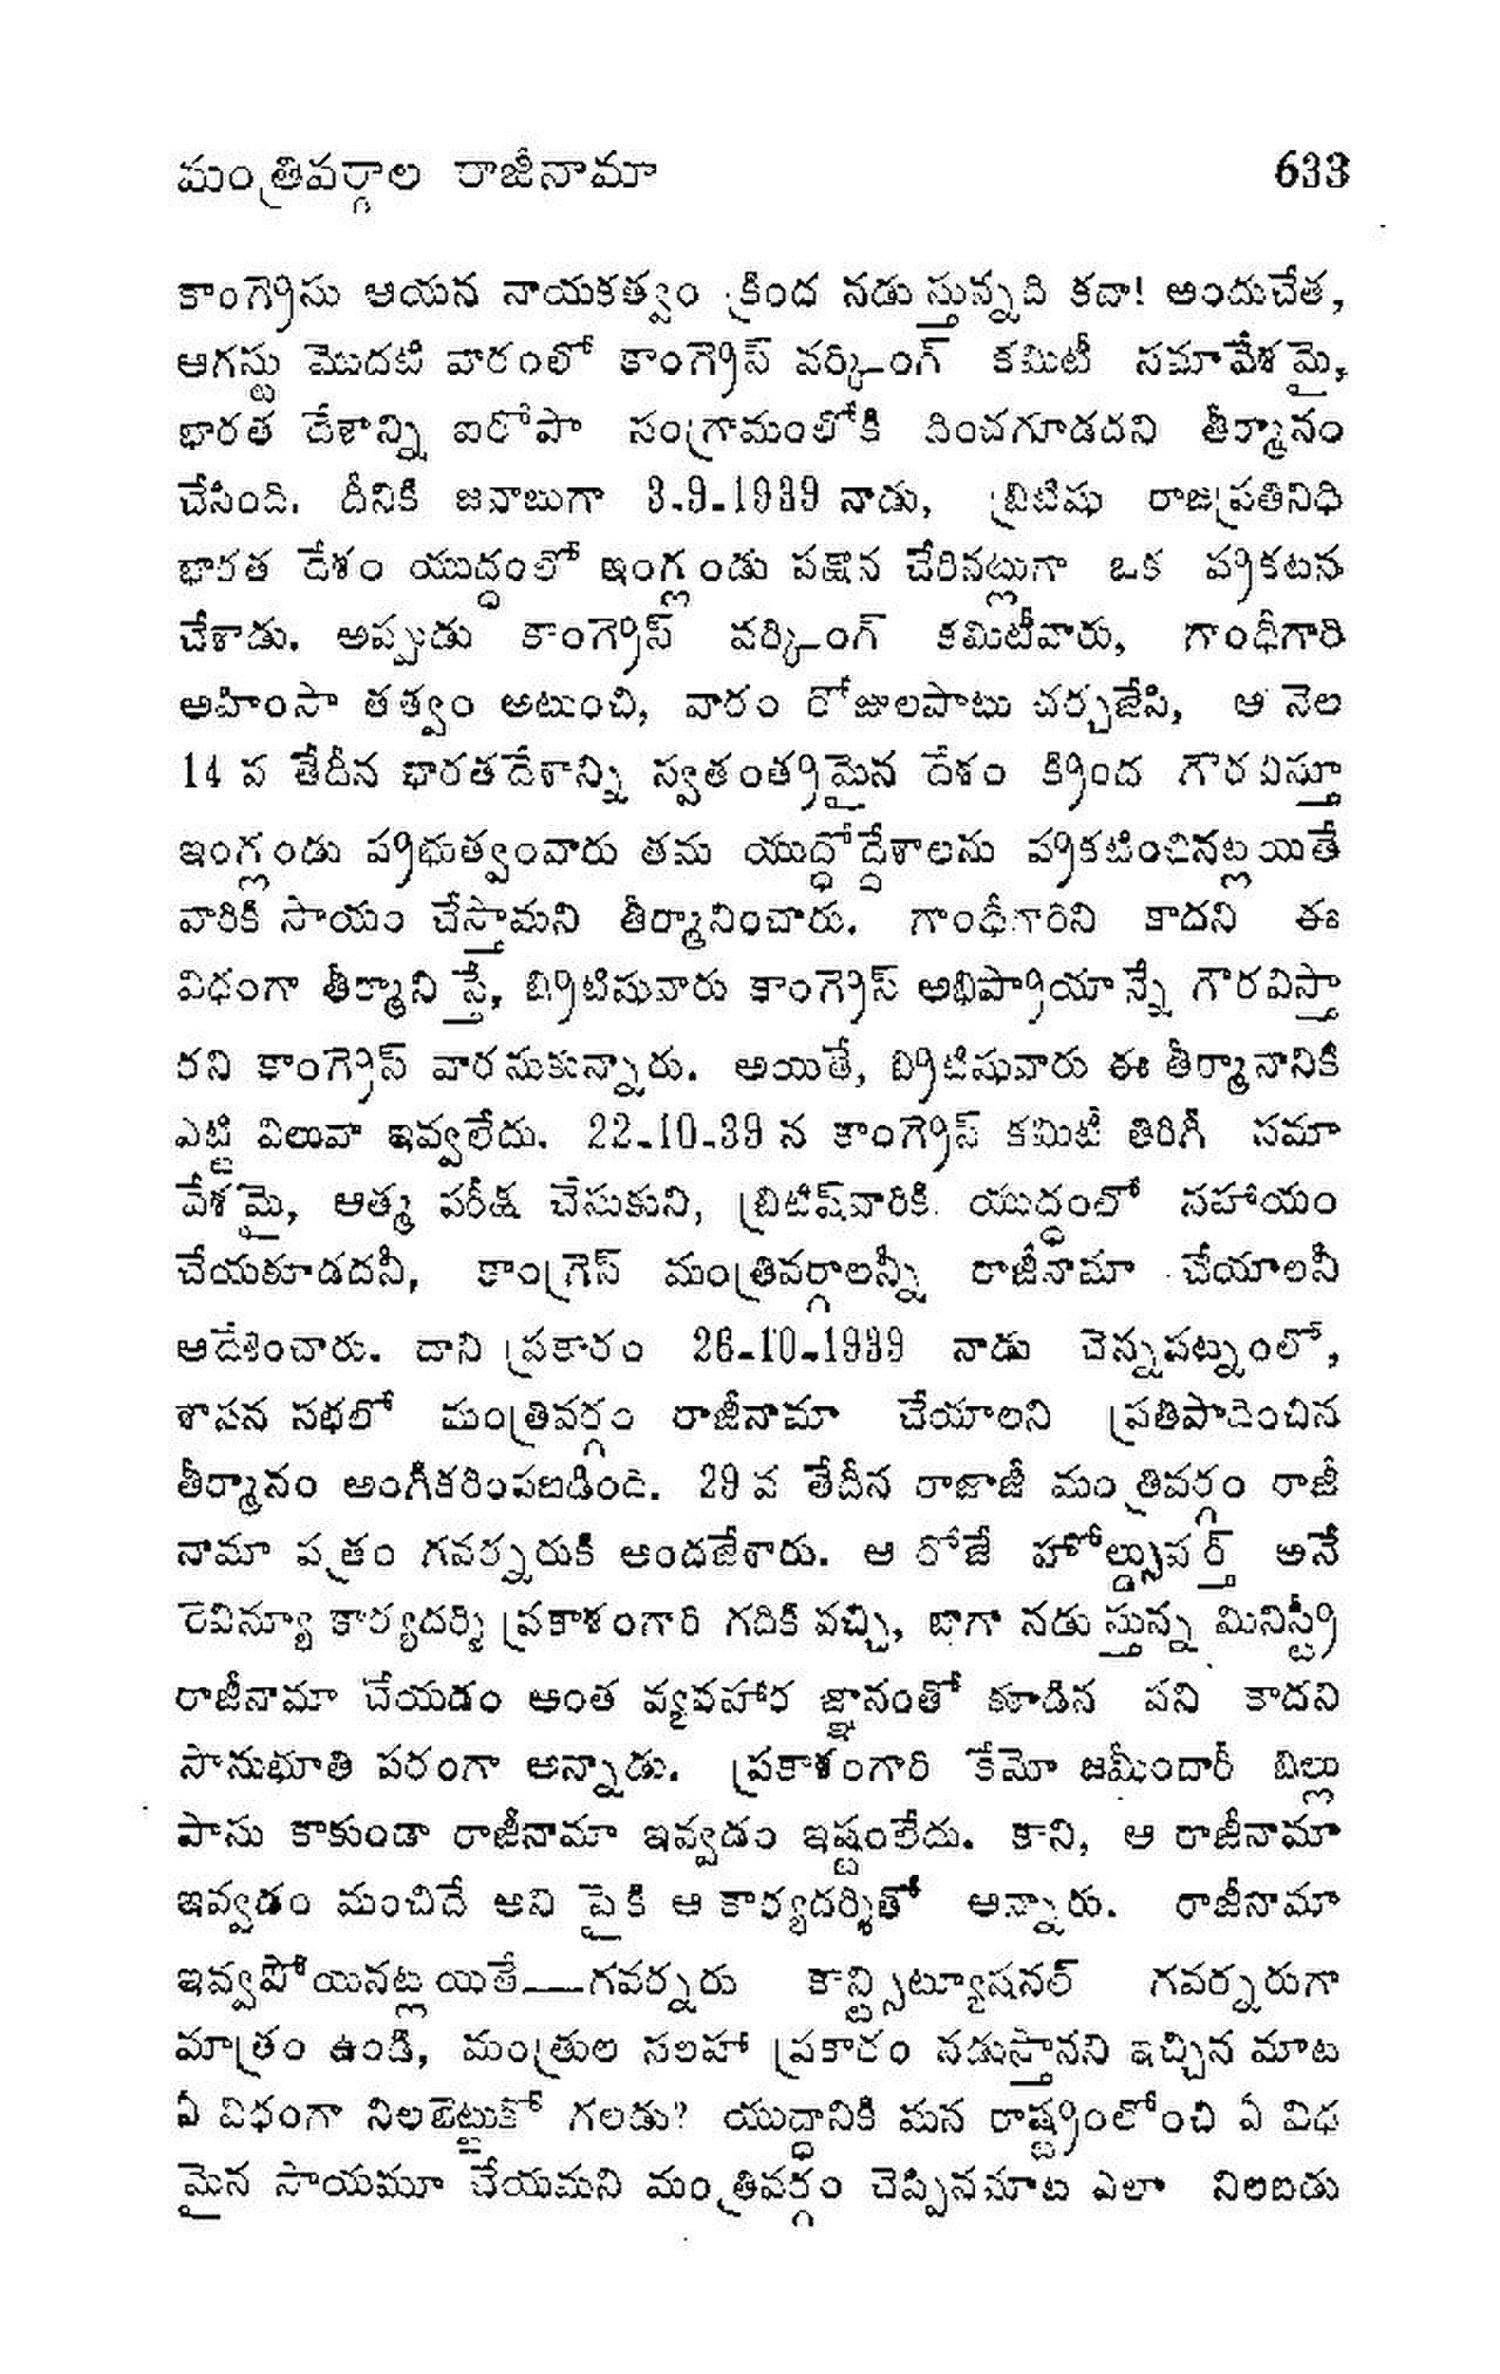కాంగ్రెసు ఆయన నాయకత్వం క్రింద నడుస్తున్నది కదా! అందుచేత, ఆగస్టు మొదటి వారంలో కాంగ్రెస్ వర్కింగ్ కమిటీ సమావేశమై, భారత దేశాన్ని ఐరోపా సంగ్రామంలోకి దించగూడదని తీర్మానం చేసింది. దీనికి జవాబుగా 3 - 9 - 1939 నాడు, బ్రిటిషు రాజప్రతినిధి భారత దేశం యుద్ధంలో ఇంగ్లండు పక్షాన చేరినట్లుగా ఒక ప్రకటన చేశాడు. అప్పుడు కాంగ్రెస్ వర్కింగ్ కమిటీవారు, గాంధీగారి అహింసా తత్వం అటుంచి, వారం రోజులపాటు చర్చజేసి, ఆ నెల 14 వ తేదీన భారతదేశాన్ని స్వతంత్రమైన దేశం క్రింద గౌరవిస్తూ ఇంగ్లండు ప్రభుత్వంవారు తమ యుద్ధోద్దేశాలను ప్రకటించినట్లయితే వారికి సాయం చేస్తామని తీర్మానించారు. గాంధీగారిని కాదని ఈ విధంగా తీర్మానిస్తే, బ్రిటిషువారు కాంగ్రెస్ అభిప్రాయాన్నే గౌరవిస్తారని కాంగ్రెస్ వారనుకున్నారు. అయితే, బ్రిటిషువారు ఈ తీర్మానానికి ఎట్టి విలువా ఇవ్వలేదు. 22 - 10 - 39 న కాంగ్రెస్ కమిటీ తిరిగీ సమావేశమై, ఆత్మ పరీక్ష చేసుకుని, బ్రిటీష్‌వారికి యుద్ధంలో సహాయం చేయకూడదనీ, కాంగ్రెస్ మంత్రివర్గాలన్నీ రాజీనామా చేయాలనీ ఆదేశించారు. దాని ప్రకారం 26 - 10 - 39 నాడు చెన్నపట్నంలో, శాసన సభలో మంత్రివర్గం రాజీనామా చేయాలని ప్రతిపాదించిన తీర్మానం అంగీకరింపబడింది. 29 వ తేదీన రాజాజీ మంత్రివర్గం రాజీనామా పత్రం గవర్నరుకి అందజేశారు. ఆ రోజే హోల్డ్సువర్త్ అనే రెవిన్యూ కార్యదర్శి ప్రకాశంగారి గదికి వచ్చి, బాగా నడుస్తున్న మినిస్ట్రీ రాజీనామా చేయడం అంత వ్యవహార జ్ఞానంతో కూడిన పని కాదని సానుభూతి పరంగా అన్నాడు. ప్రకాశంగారి కేమో జమీందారీ బిల్లు పాసు కాకుండా రాజీనామా ఇవ్వడం ఇష్టంలేదు. కాని, ఆ రాజీనామా ఇవ్వడం మంచిదే అని పైకి కార్యదర్శితో అన్నారు. రాజీనామా ఇవ్వపోయినట్లయితే - గవర్నరు కాన్ట్సిట్యూషనల్ గవర్నరుగా మాత్రం ఉండి, మంత్రుల సలహా ప్రకారం నడుస్తానని ఇచ్చిన మాట ఏ విధంగా నిలబెట్టుకో గలడు? యుద్ధానికి మన రాష్ట్రంలోంచి ఏ విధమైన సాయమూ చేయమని మంత్రివర్గం చెప్పినమాట ఎలా నిలబడు